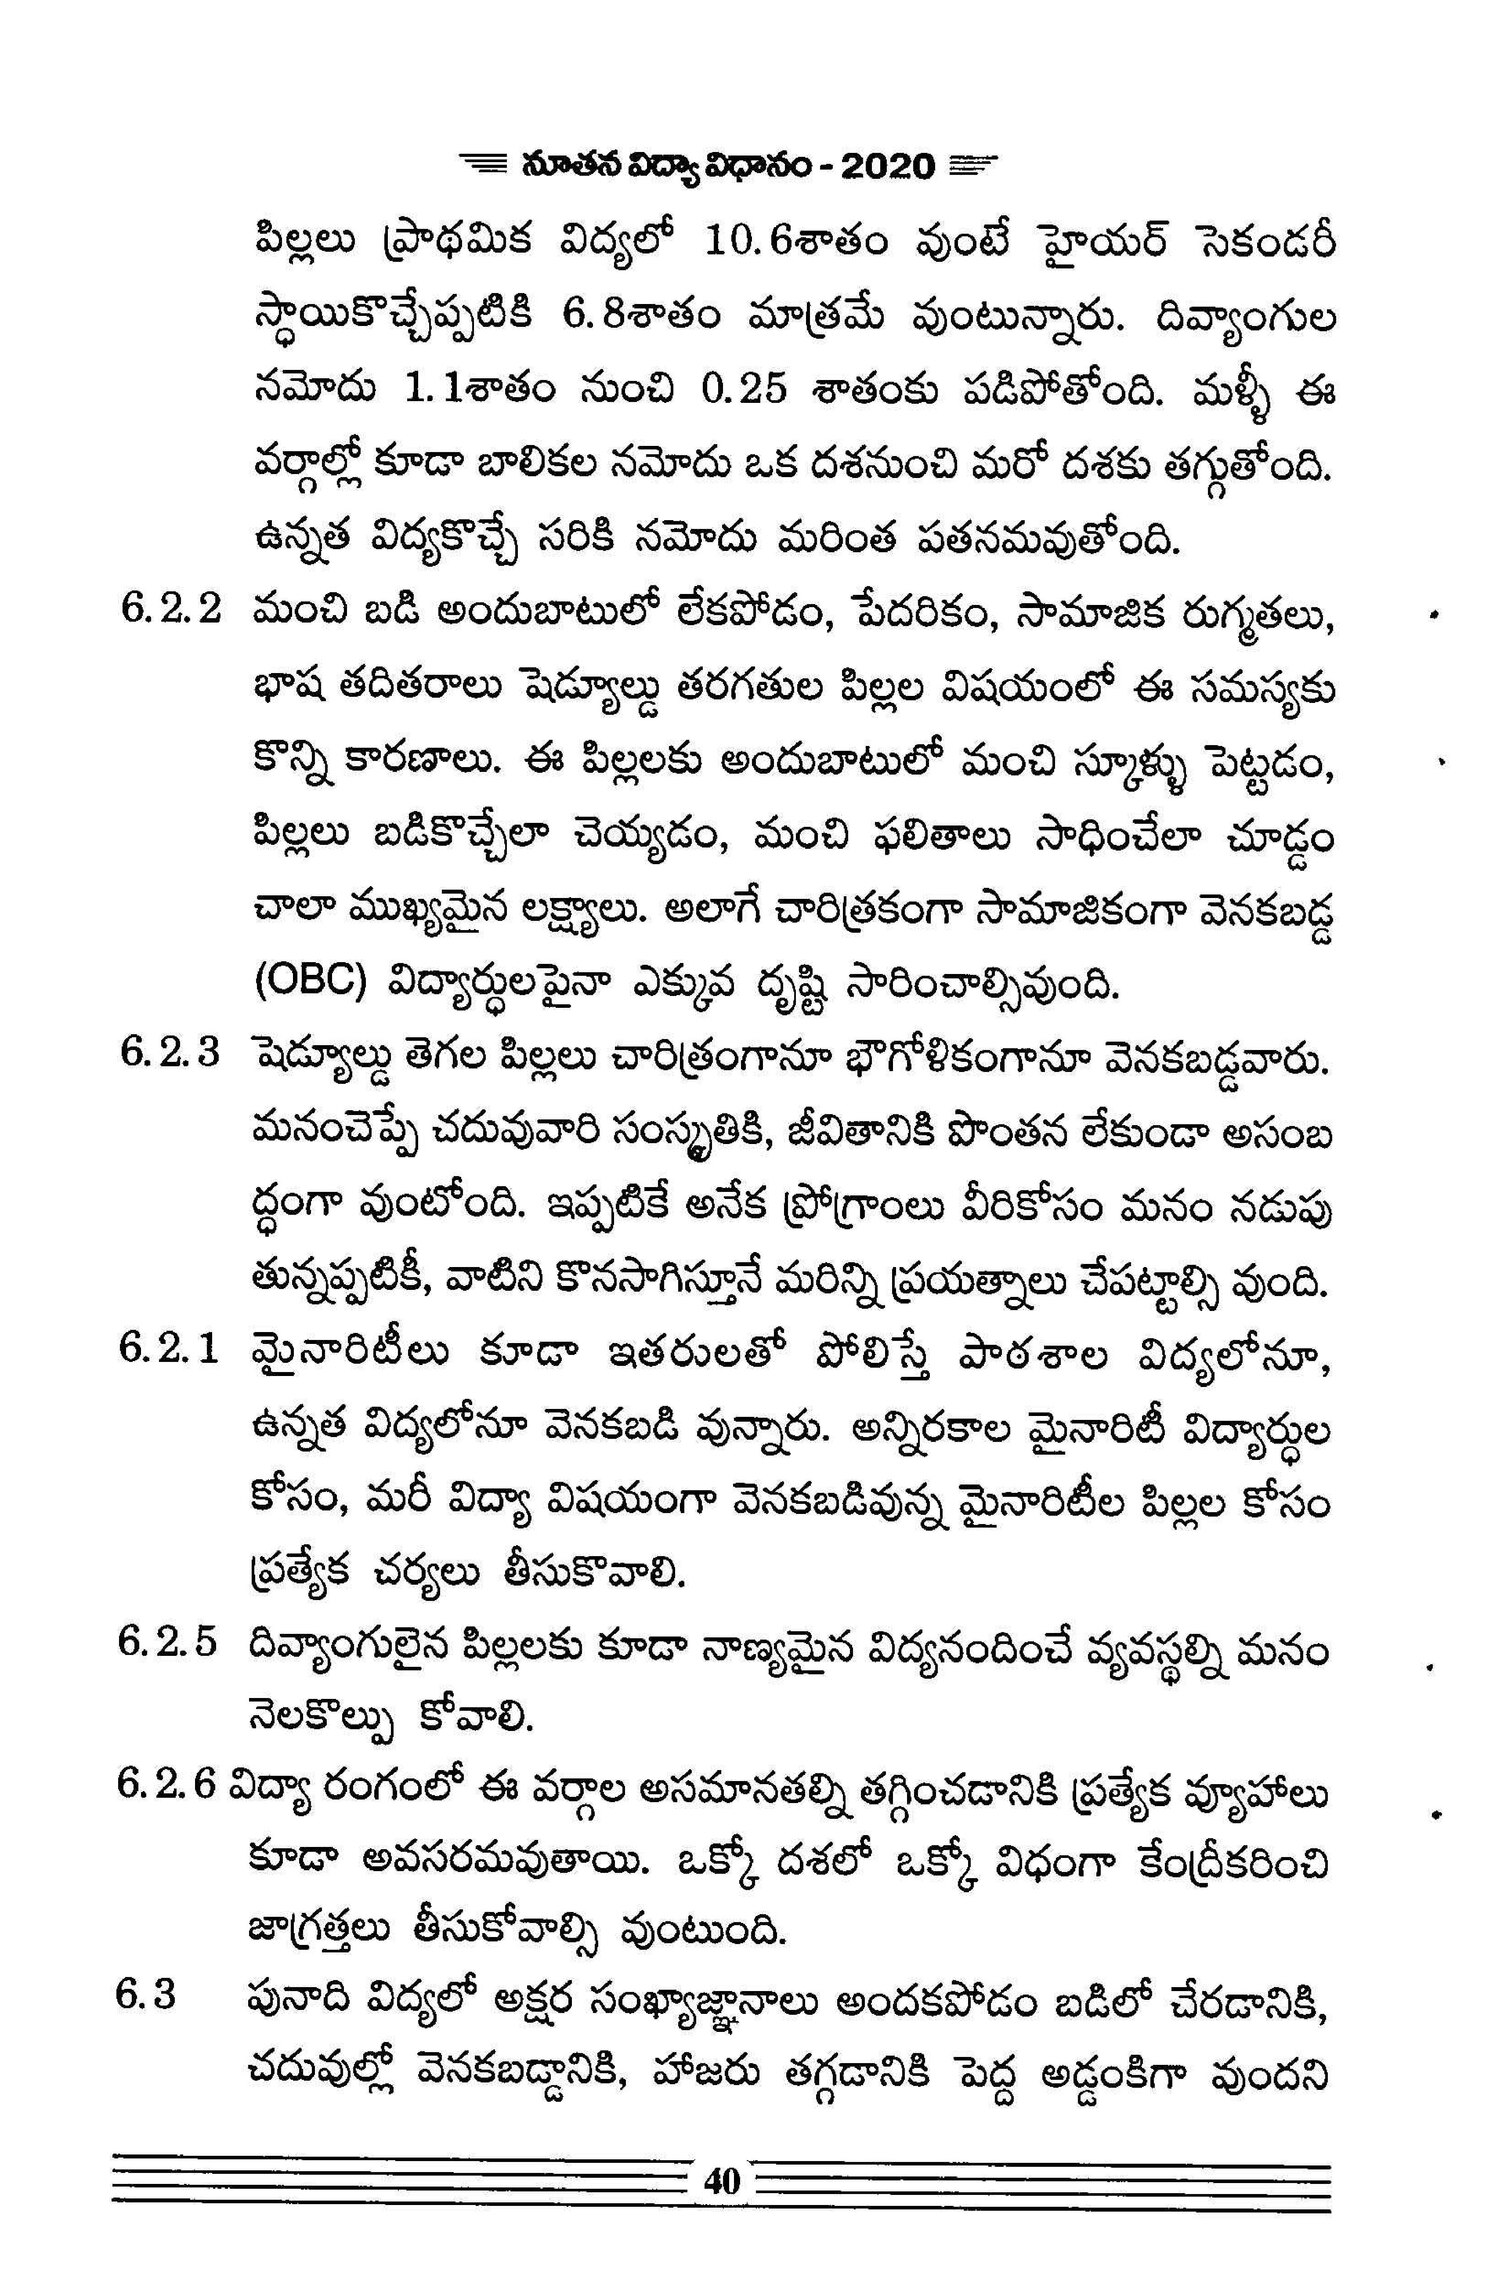6.2.1
పిల్లలు ప్రాథమిక విద్య దశలో 10.6 శాతం ఉంటే, హయ్యర్ సెకండరీ స్థాయికి చేరేసరికి వారు కేవలం 6.8 శాతమే మిగులుతున్నారు.
దివ్యాంగుల నమోదు 1.1 శాతం నుండి 0.25 శాతానికి పడిపోతోంది.
ఈ వర్గాల్లో కూడా బాలికల నమోదు ఒక్క దశ నుంచి మరో దశకు గణనీయంగా తగ్గుతోంది.
ఉన్నత విద్య దశకు వచ్చేసరికి ఈ నమోదు మరింతగా పతనమవుతోంది.

6.2.2
మంచి పాఠశాలలు అందుబాటులో లేకపోవడం, పేదరికం, సామాజిక రుగ్మతలు, భాష వంటి అంశాలు షెడ్యూల్డు కులాల పిల్లల వెనుకబడటానికి ప్రధాన కారణాలుగా నిలుస్తున్నాయి.
ఈ పిల్లలకు మంచి పాఠశాలలు అందుబాటులో ఉంచటం, బడికి రావడం సాధ్యమయ్యేలా చేయడం, వారు మంచి ఫలితాలు సాధించేందుకు సహకరించడం కీలకమైన లక్ష్యాలుగా ఉండాలి.
అలాగే చారిత్రకంగా సామాజికంగా వెనుకబడిన (OBC) విద్యార్థులపైనా ప్రత్యేక దృష్టి పెట్టాలి.

6.2.3
షెడ్యూల్డు తెగల పిల్లలు చారిత్రకంగాను, భౌగోళికంగాను వెనుకబడిన వర్గాలకు చెందినవారు.
వారికి మేము చెప్పే విద్యాశాఖల విషయాలు, వారి జీవన శైలికి, సంస్కృతికి సంబంధం లేకుండా అసంబద్ధంగా ఉంటున్నాయి.
ఇప్పటికే ఈ వర్గాల కోసం అనేక కార్యక్రమాలు అమలులో ఉన్నా, వాటిని కొనసాగించడమే కాకుండా, మరిన్ని ప్రత్యేక ప్రయత్నాలు చేపట్టాల్సిన అవసరం ఉంది.

6.2.4
మైనారిటీలు కూడా ఇతర వర్గాల వారితో పోలిస్తే పాఠశాల విద్యలోనూ, ఉన్నత విద్యలోనూ వెనుకబడిన వర్గంగా ఉన్నారు.
అన్నిరకాల మైనారిటీ విద్యార్థుల కోసం, మరింత వెనుకబడ్డ మైనారిటీ వర్గాల పిల్లల కోసం ప్రత్యేక చర్యలు తీసుకోవాలి.

6.2.5
దివ్యాంగులైన పిల్లలకు నాణ్యమైన విద్య అందించే వ్యవస్థలను మనం నిర్మించుకోవాలి.
వారు ఇతరులతో సమానంగా నేర్చుకునేలా చేసే అనుకూల వాతావరణాన్ని నెలకొల్పాలి.

6.2.6
విద్యా రంగంలో ఈ వెనుకబడ్డ వర్గాల అసమానతలను తగ్గించేందుకు ప్రత్యేక వ్యూహాలు అవసరం.
విద్య ప్రతి దశలో వేర్వేరు సమస్యలపై దృష్టి పెట్టి, దశలవారీగా జాగ్రత్తలు తీసుకోవాలి.

6.3
పునాది విద్య దశలో అక్షర మరియు సంఖ్యా జ్ఞానాలు పిల్లలకు అందకపోవడం బడిలో చేరటానికి, చదువుల్లో వెనుకబడటానికి, హాజరు తగ్గడానికి ప్రధాన అడ్డంకిగా మారుతోంది.